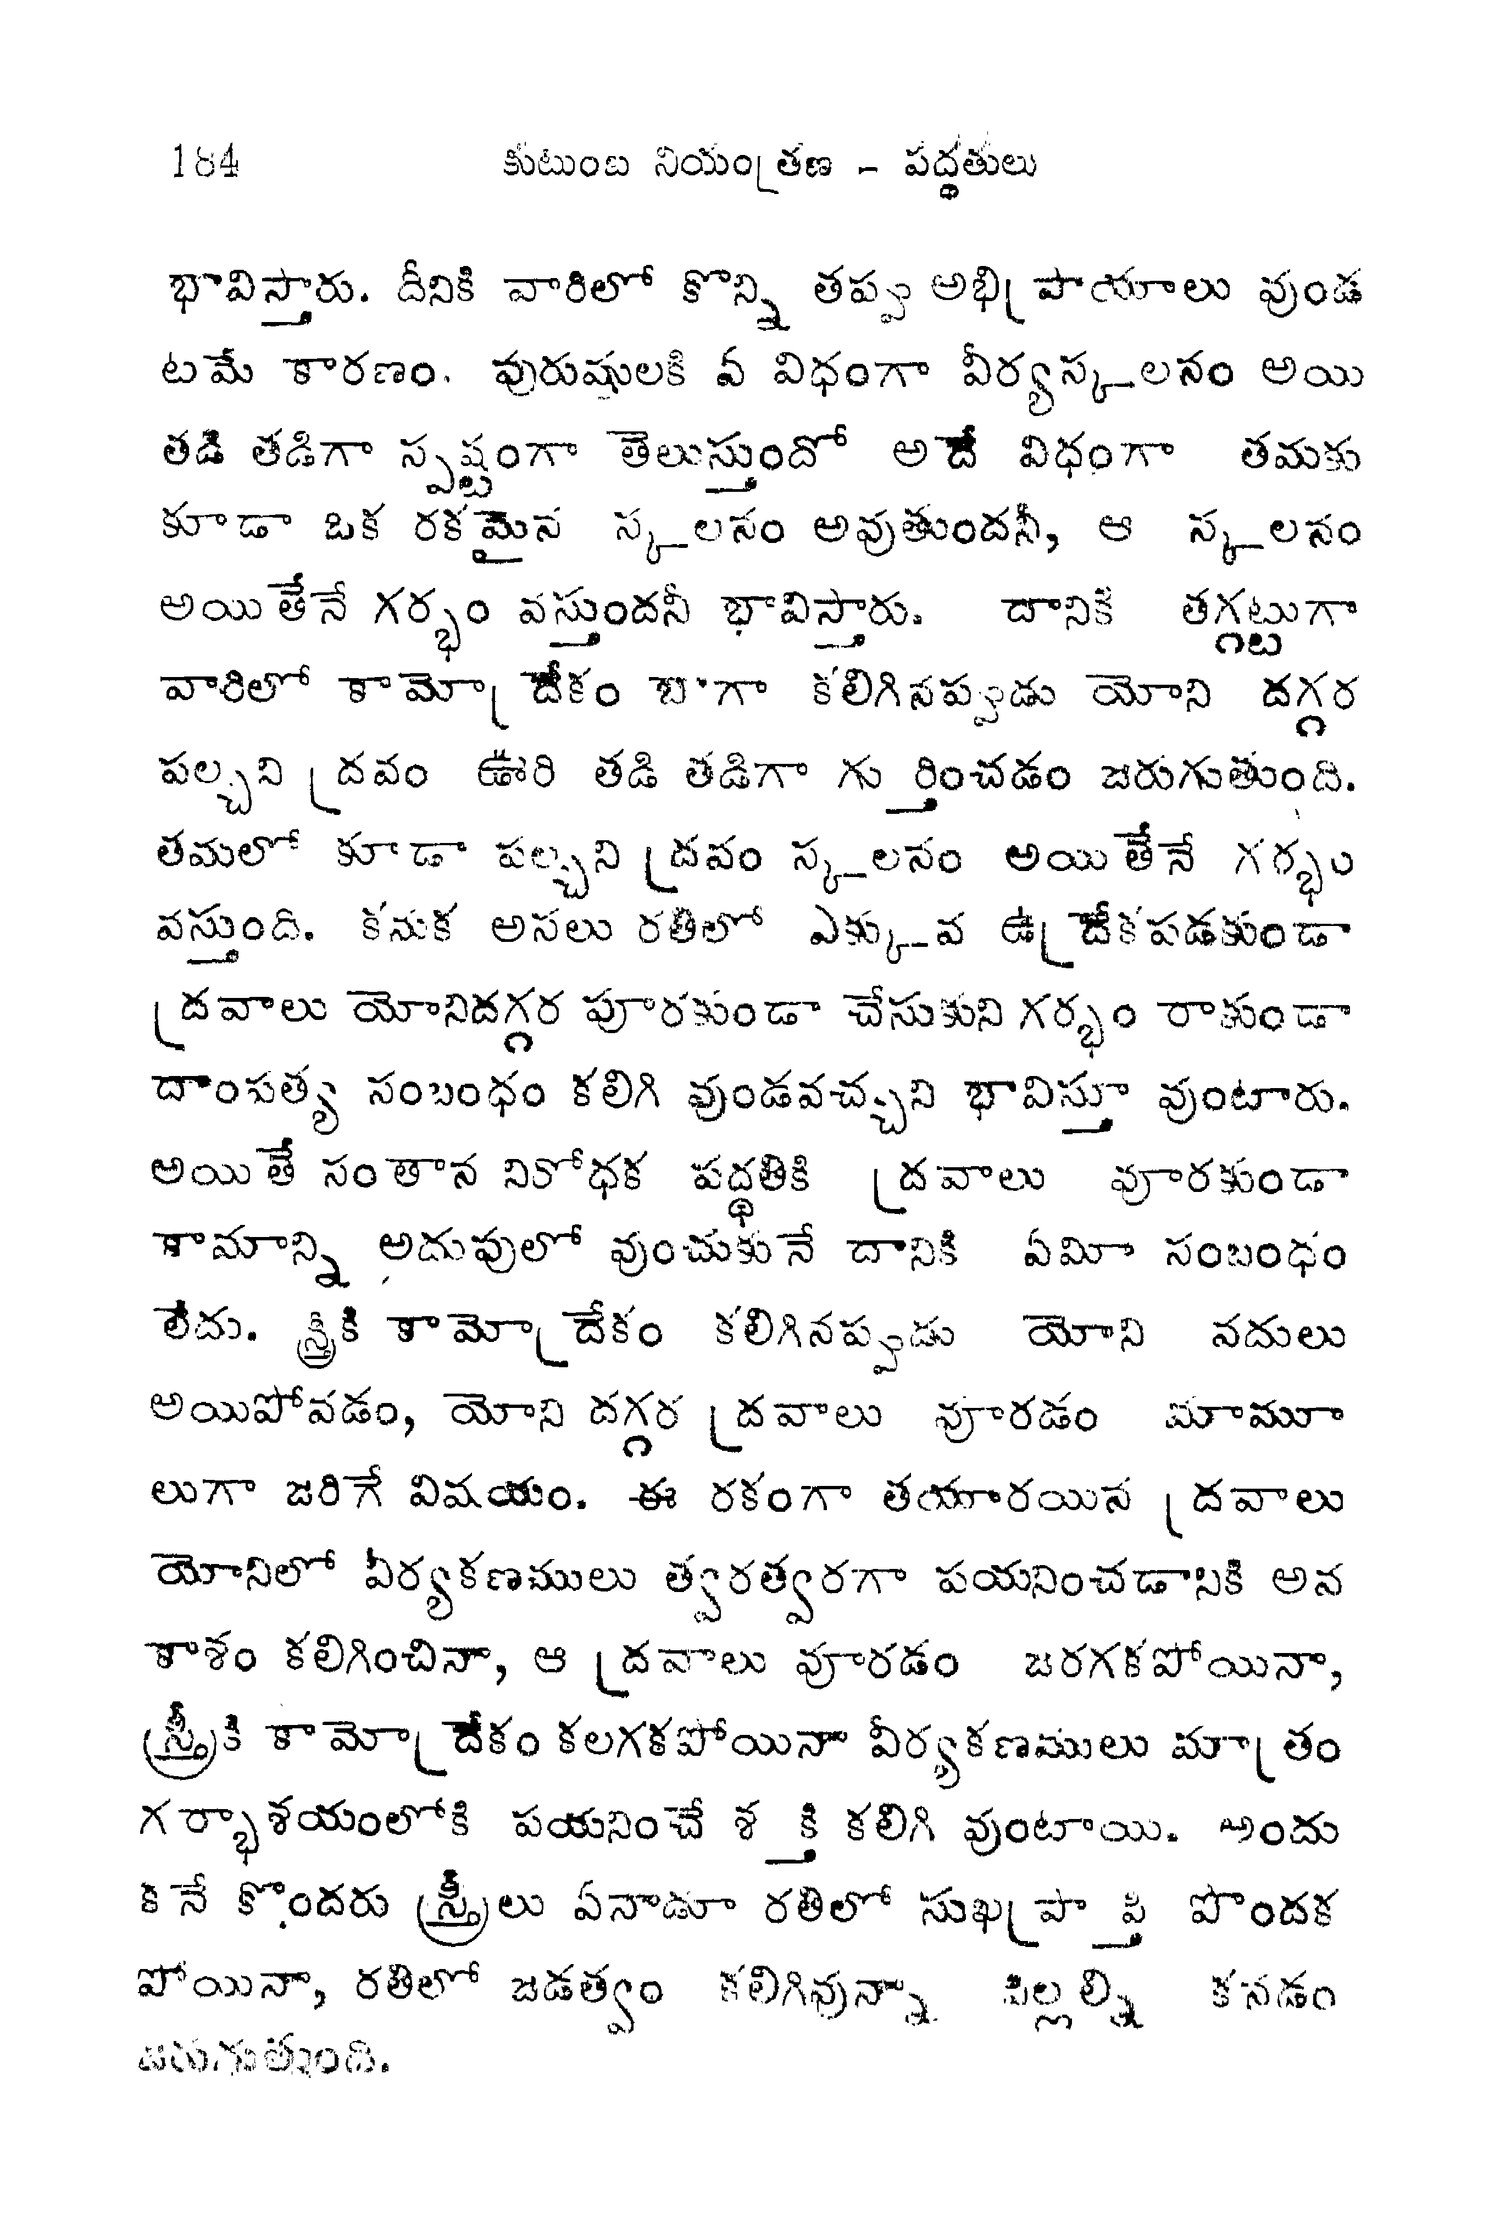భావిస్తారు. దీనికి వారిలో కొన్ని తప్పు అభిప్రాయాలు వుండటమే కారణం. పురుషులకి ఏ విధంగా వీర్యస్కలనం అయి తడి తడిగా స్పష్టంగా తెలుస్తుందో అదే విధంగా తమకు కూడా ఒక రకమైన స్కలనం అవుతుందనీ, ఆ స్కలనం అయితేనే గర్భం వస్తుందనీ భావిస్తారు. దానికి తగ్గట్టుగా వారిలో కామోద్రేకం బాగా కలిగినప్పుడు యోని దగ్గర పల్చని ద్రవం ఊరి తడి తడిగా గుర్తించడం జరుగుతుంది. తమలో కూడా పల్చని ద్రవం స్కలనం అయితేనే గర్భం వస్తుంది. కనుక అసలు రతిలో ఎక్కువ ఉద్రేకపడకుండా ద్రవాలు యోనిదగ్గర వూరకుండా చేసుకుని గర్భం రాకుండా దాంపత్య సంబంధం కలిగి వుండవచ్చని భావిస్తూ వుంటారు. అయితే సంతాన నిరోధక పద్ధతికి ద్రవాలు వూరకుండా కామాన్ని అదుపులో వుంచుకునే దానికి ఏమీ సంబంధం లేదు. స్త్రీకి కామోద్రేకం కలిగినప్పుడు యోని వదులు అయిపోవడం, యోని దగ్గర ద్రవాలు వూరడం మామూలుగా జరిగే విషయం. ఈ రకంగా తయారయిన ద్రవాలు యోనిలో వీర్యకణములు త్వరత్వరగా పయనించడానికి అవకాశం కలిగించినా, ఆ ద్రవాలు వూరడం జరగకపోయినా, స్త్రీకి కామోద్రేకం కలగకపోయినా వీర్యకణములు మాత్రం గర్భాశయంలోకి పయనించే శక్తి కలిగి వుంటాయి. అందుకనే కొందరు స్త్రీలు ఏనాడూ రతిలో సుఖప్రాప్తి పొందకపోయినా, రతిలో జడత్వం కలిగివున్నా పిల్లల్ని కనడం జరుగుతుంది.